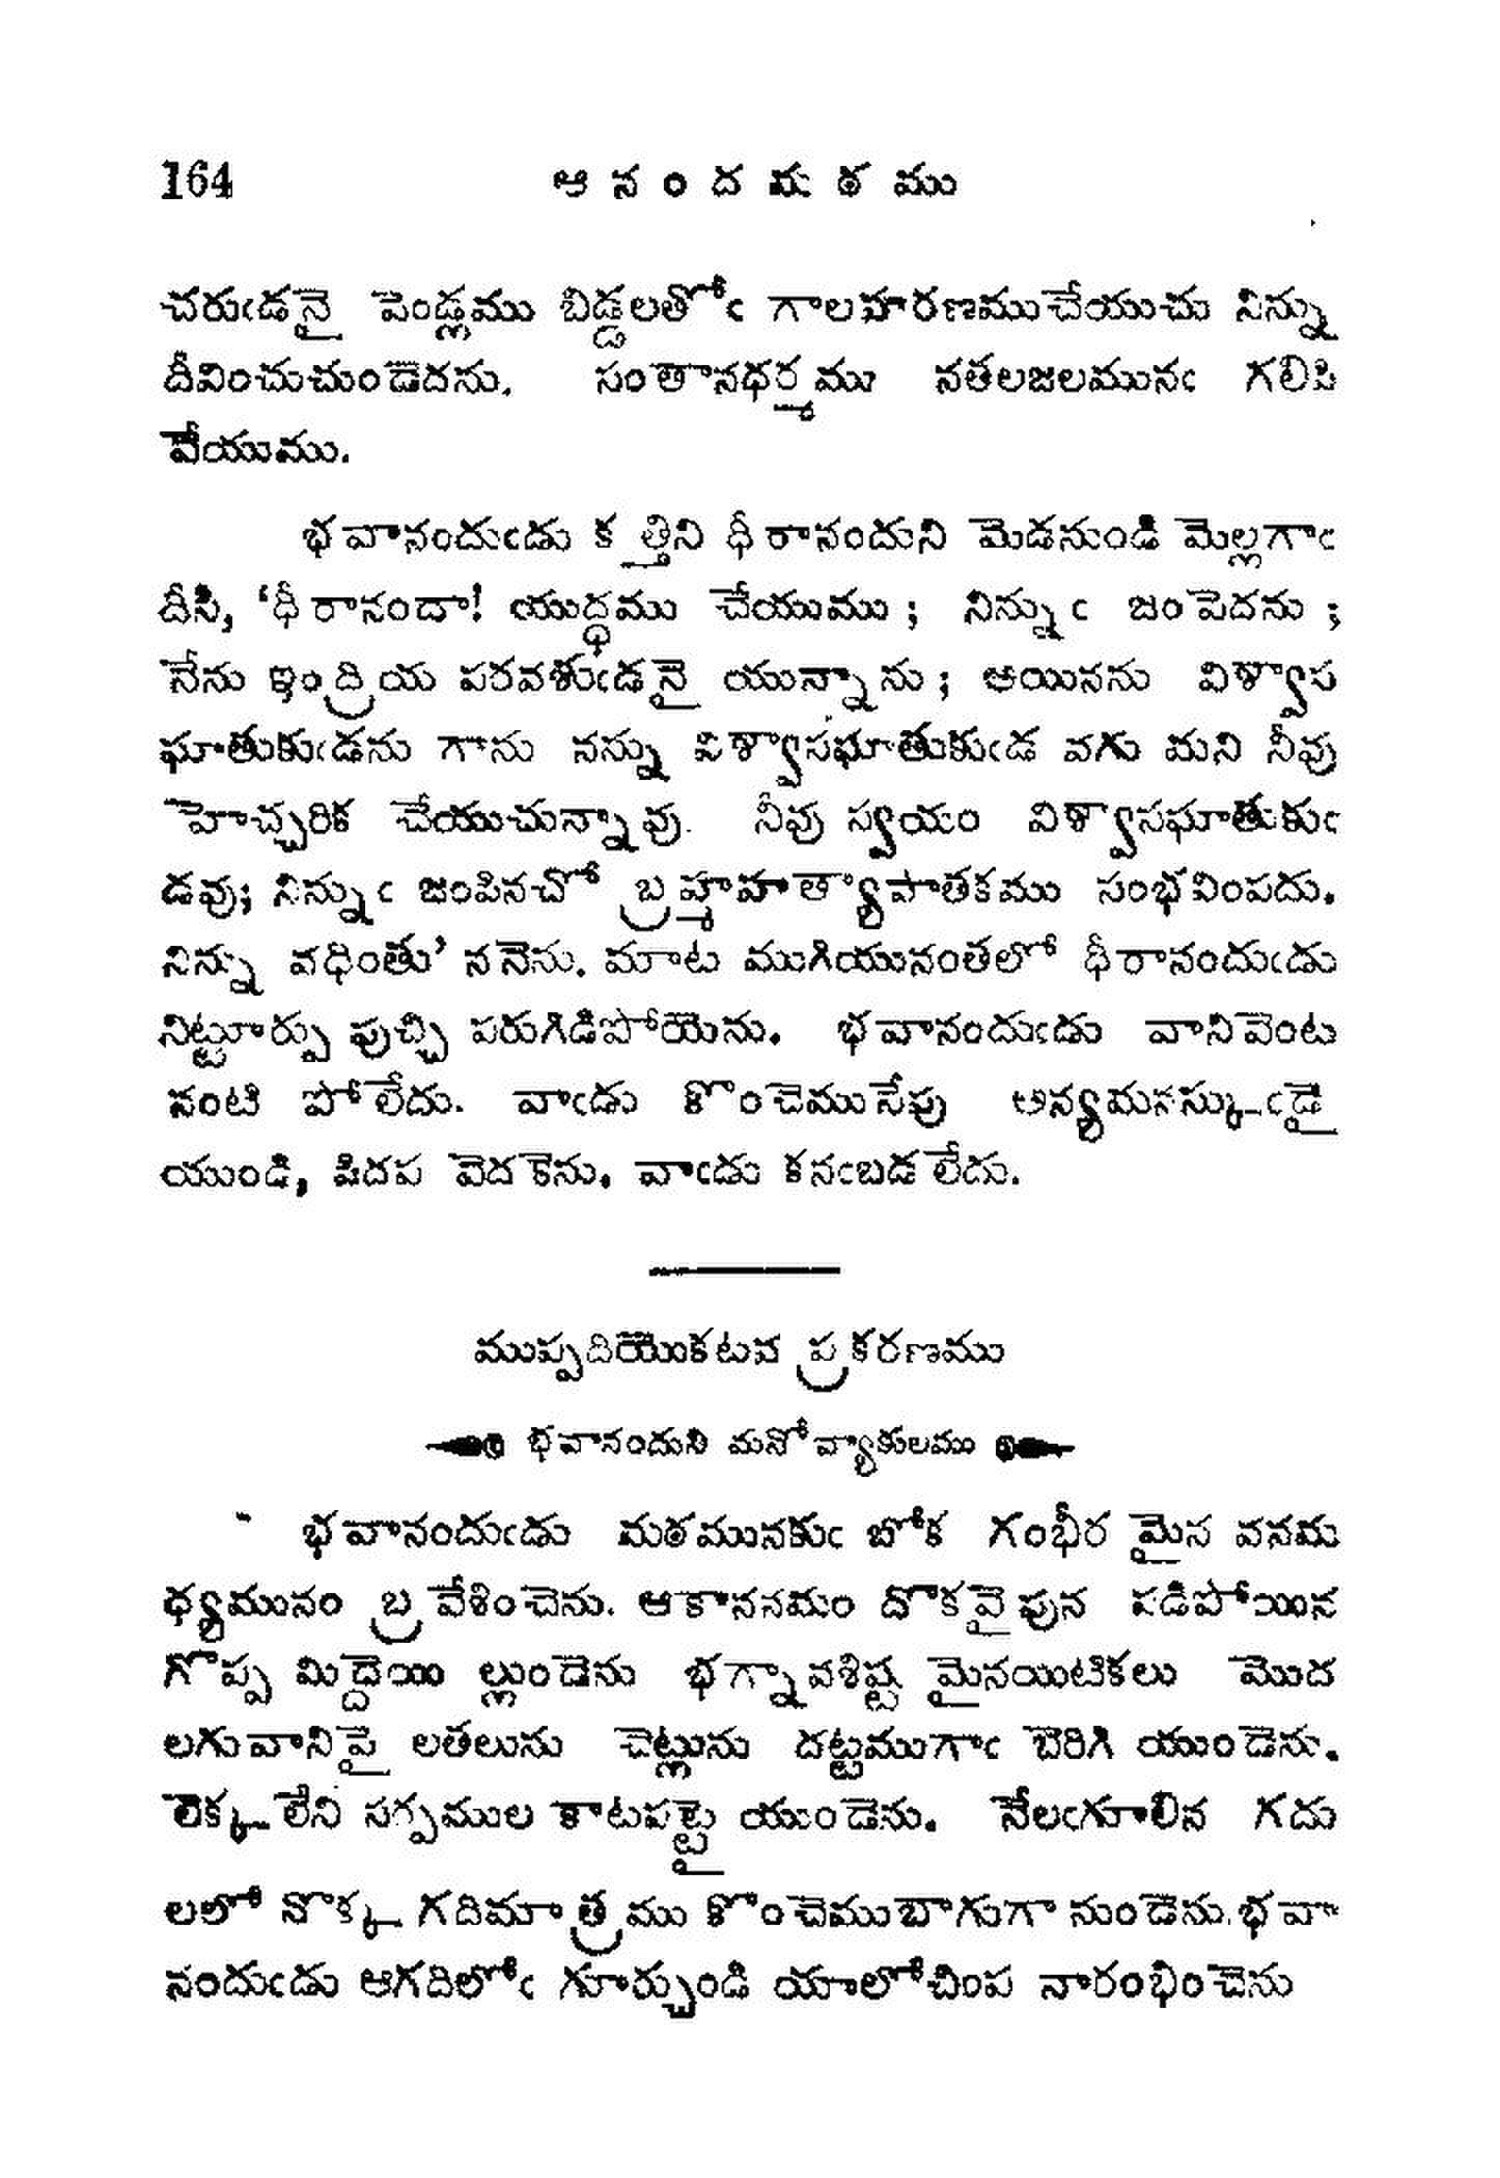చరుఁడనై 'పెండ్లము బిడ్డలతోఁ గాలహరణము చేయుచు నిన్ను దీవించుచుండెదను. సంతానధర్మము నతలజలమునఁ గలిపి వేయుము.

భవానందుఁడు కత్తిని ధీరానందుని మెడనుండి మెల్లగా దీసి, 'ధీరానందా! యుద్ధము చేయుము; నిన్నుఁ జంపెదను ;
నేను ఇంద్రియ పరవశుఁడనై యున్నాను ; అయినను విశ్వాసఘాతుకుఁడను గాను నన్ను విశ్వాసఘాతుకుఁడ వగు మని నీవు హెచ్చరిక చేయుచున్నావు. నీవు స్వయం విశ్వాసఘాతుకుఁడవు; నిన్నుఁ జంపినచో బ్రహ్మహత్యా పాతకము సంభవింపదు. నిన్ను వధింతు' ననెను. మాట ముగియునంతలో ధీరానందుఁడు నిట్టూర్పు పుచ్చి పరుగిడిపోయేను. భవానందుఁడు వాని వెంట నంటి పోలేదు. వాఁడు కొంచెము సేపు అన్యమసస్కుఁడై యుండి, పిదప వెదకెను, వాఁడు కనఁబడ లేదు.

ముప్పదియొకటవ ప్రకరణము

భవానందుని మనోవ్యాకులము

భవానందుఁడు మఠమునకుఁ బోక గంభీరమైన వనమధ్యమునం బ్రవేశించెను. ఆకాననమం దొకవైపున పడిపోయిన గొప్ప మిద్దెయి ల్లుండెను. భగ్నా వశిష్ట మైనయిటికలు మొదలగువానిపై లతలును చెట్లును దట్టముగాఁ బెరిగి యుండెను.
లెక్క లేని సర్పముల కాటపటై యుండెను. నేలఁగూలిన గదులలో నొక్క గదిమాత్రము కొంచెము బాగుగా నుండెను. భవా
నందుఁడు ఆగదిలోఁ గూర్చుండి యాలోచింప నారంభించెను